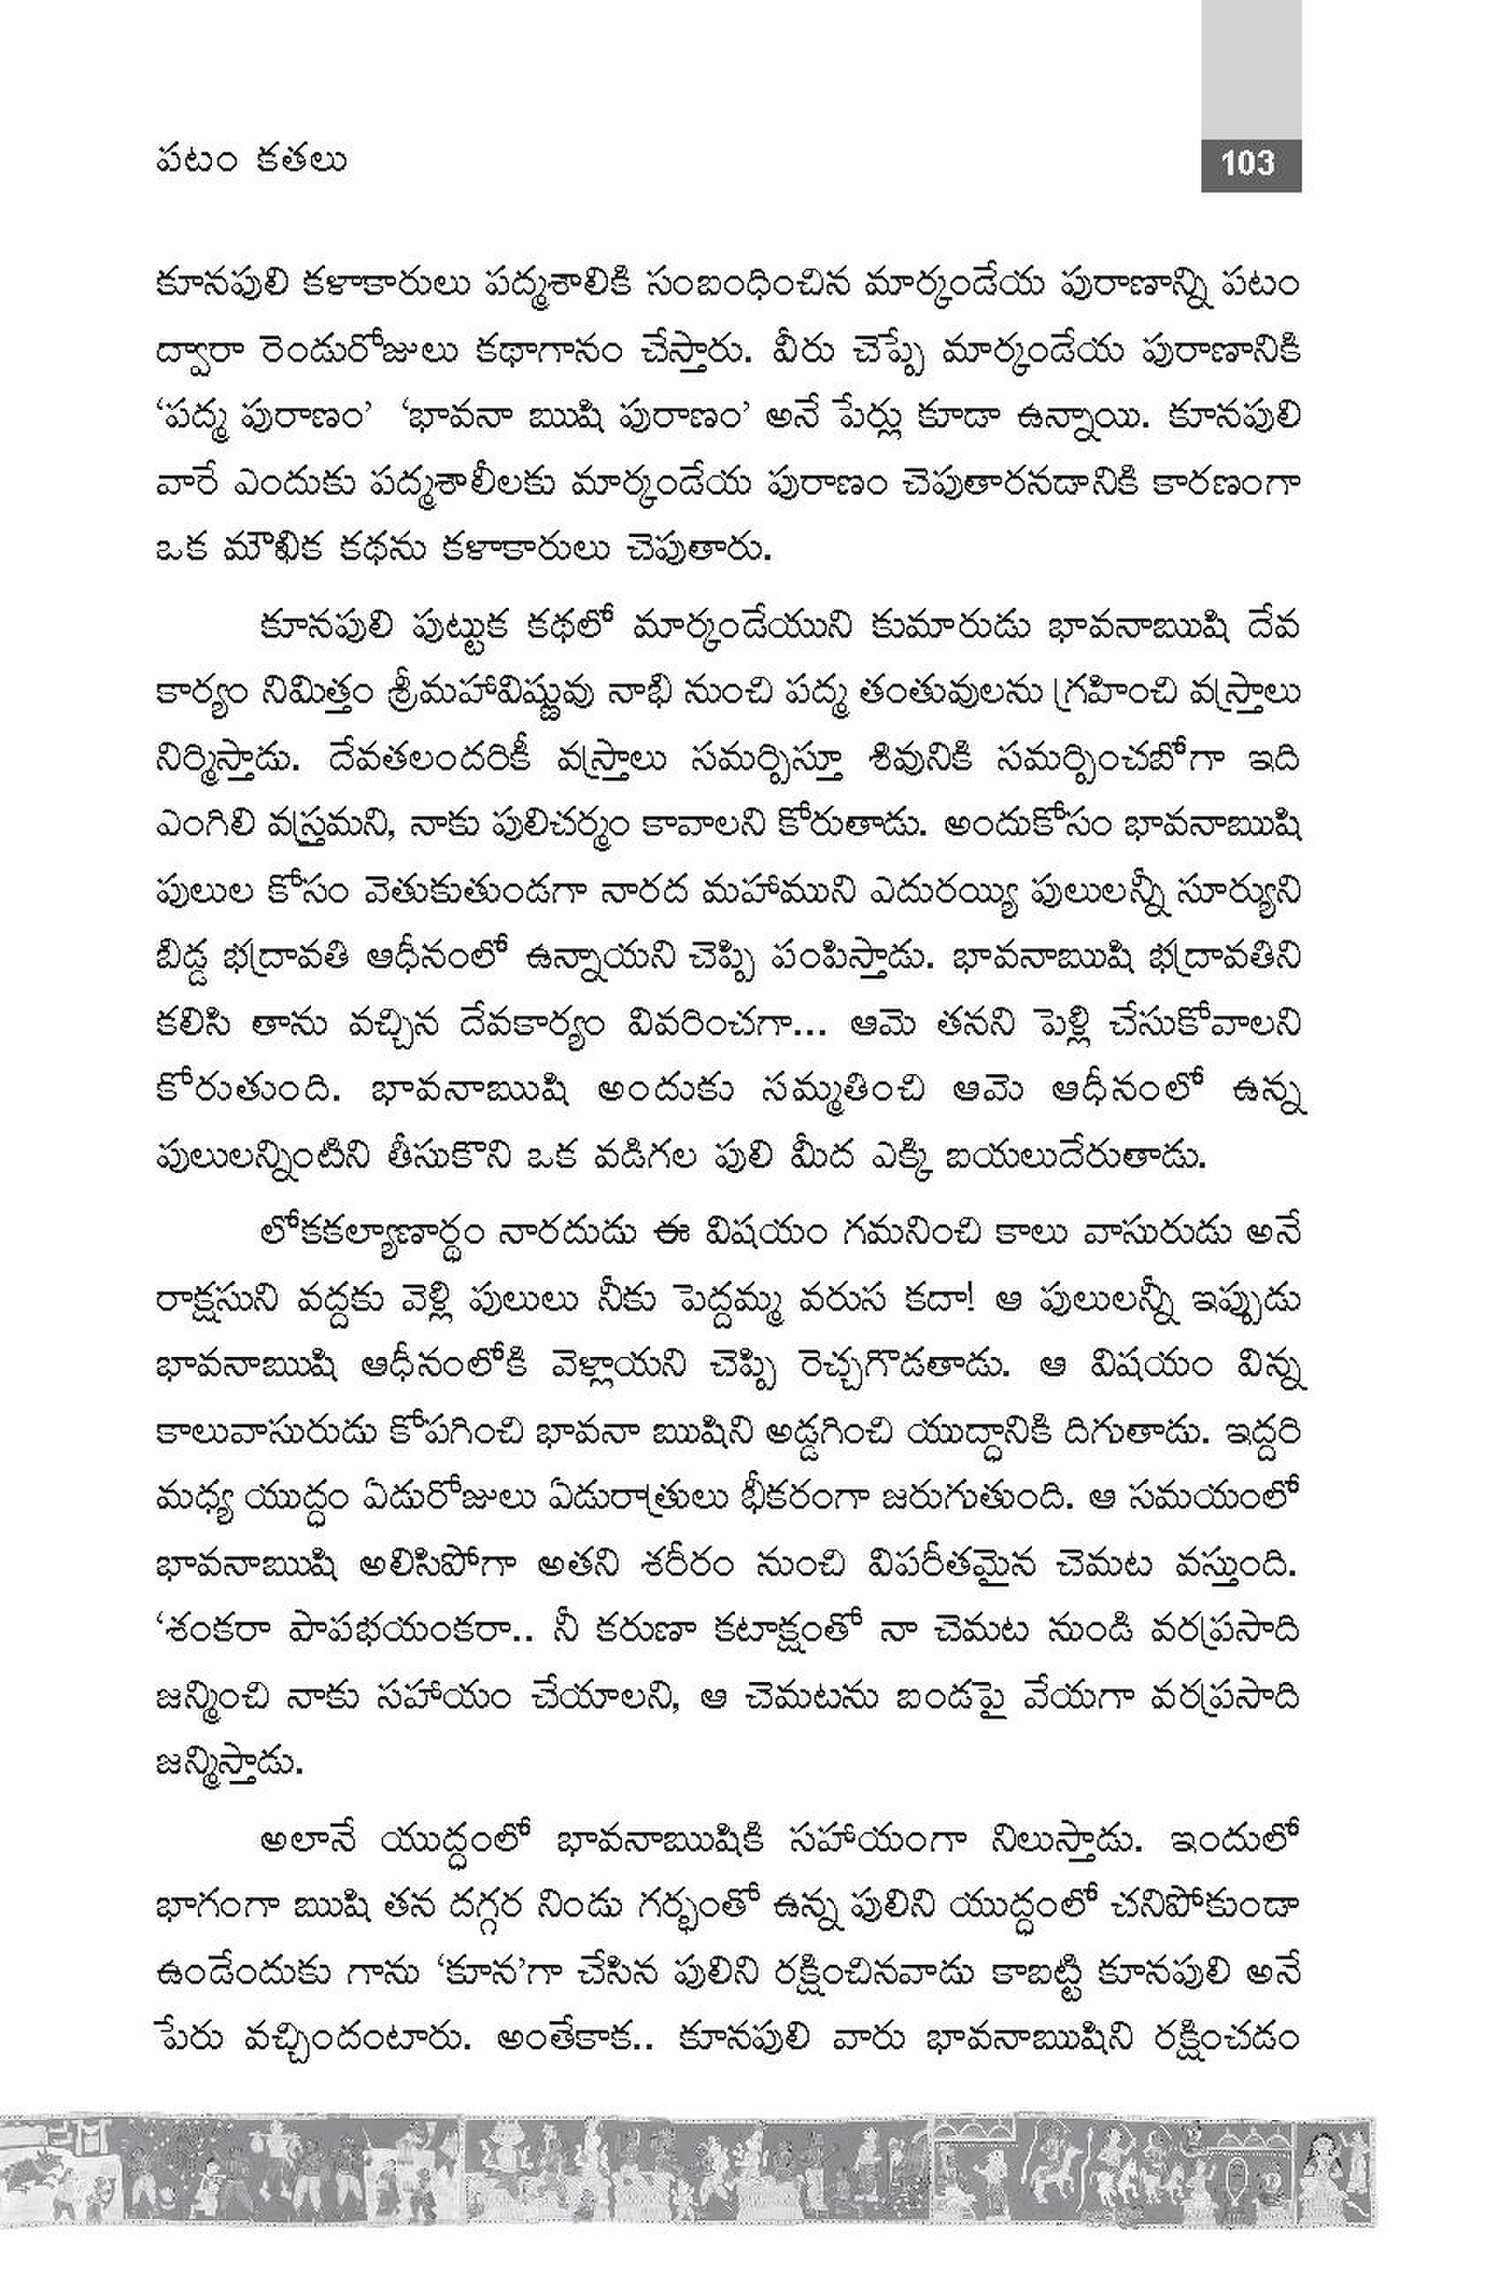కూనపులి కళాకారులు పద్మశాలికి సంబంధించిన మార్కండేయ పురాణాన్ని పటం ద్వారా రెండురోజులు కథాగానం చేస్తారు. వీరు చెప్పే మార్కండేయ పురాణానికి 'పద్మ పురాణం' 'భావనా ఋషి పురాణం' అనే పేర్లు కూడా ఉన్నాయి. కూనపులి వారే ఎందుకు పద్మశాలీలకు మార్కండేయ పురాణం చెపుతారనడానికి కారణంగా ఒక మౌఖిక కథను కళాకారులు చెపుతారు.

కూనపులి పుట్టుక కథలో మార్కండేయుని కుమారుడు భావనాఋషి దేవ కార్యం నిమిత్తం శ్రీమహావిష్ణువు నాభి నుంచి పద్మ తంతువులను గ్రహించి వస్త్రాలు నిర్మిస్తాడు. దేవతలందరికీ వస్త్రాలు సమర్పిస్తూ శివునికి సమర్పించబోగా ఇది ఎంగిలి వస్త్రమని, నాకు పులిచర్మం కావాలని కోరుతాడు. అందుకోసం భావనాఋషి పులుల కోసం వెతుకుతుండగా నారద మహాముని ఎదురయ్యి పులులన్నీ సూర్యుని బిడ్డ భద్రావతి ఆధీనంలో ఉన్నాయని చెప్పి పంపిస్తాడు. భావనాఋషి భద్రావతిని కలిసి తాను వచ్చిన దేవకార్యం వివరించగా... ఆమె తనని పెళ్లి చేసుకోవాలని కోరుతుంది. భావనాఋషి అందుకు సమ్మతించి ఆమె ఆధీనంలో ఉన్న పులులన్నింటిని తీసుకొని ఒక వడిగల పులి మీద ఎక్కి బయలుదేరుతాడు.

లోకకల్యాణార్ధం నారదుడు ఈ విషయం గమనించి కాలు వాసురుడు అనే రాక్షసుని వద్దకు వెళ్లి పులులు నీకు పెద్దమ్మ వరుస కదా! ఆ పులులన్నీ ఇప్పుడు భావనాఋషి ఆధీనంలోకి వెళ్లాయని చెప్పి రెచ్చగొడతాడు. ఆ విషయం విన్న
కాలువాసురుడు కోపగించి భావనా ఋషిని అడ్డగించి యుద్ధానికి దిగుతాదు. ఇద్దరి మధ్య యుద్ధం ఏడురోజులు ఏడురాత్రులు భీకరంగా జరుగుతుంది. ఆ సమయంలో భావనాఋషి అలిసిపోగా అతని శరీరం నుంచి విపరీతమైన చెమట వస్తుంది. 'శంకరా పాపభయంకరా.. నీ కరుణా కటాక్షంతో నా చెమట నుండి వరప్రసాది జన్మించి నాకు సహాయం చేయాలని, ఆ చెమటను బండపై వేయగా వరప్రసాది జన్మిస్తాడు.

అలానే యుద్ధంలో భావనాఋషికి సహాయంగా నిలుస్తాడు. ఇందులో భాగంగా ఋషి తన దగ్గర నిండు గర్భంతో ఉన్న పులిని యుద్ధంలో చనిపోకుండా ఉండేందుకు గాను 'కూన'గా చేసిన పులిని రక్షించినవాడు కాబట్టి కూనపులి అనే
పేరు వచ్చిందంటారు. అంతేకాక.. కూనపులి వారు భావనాఋషిని రక్షించడం